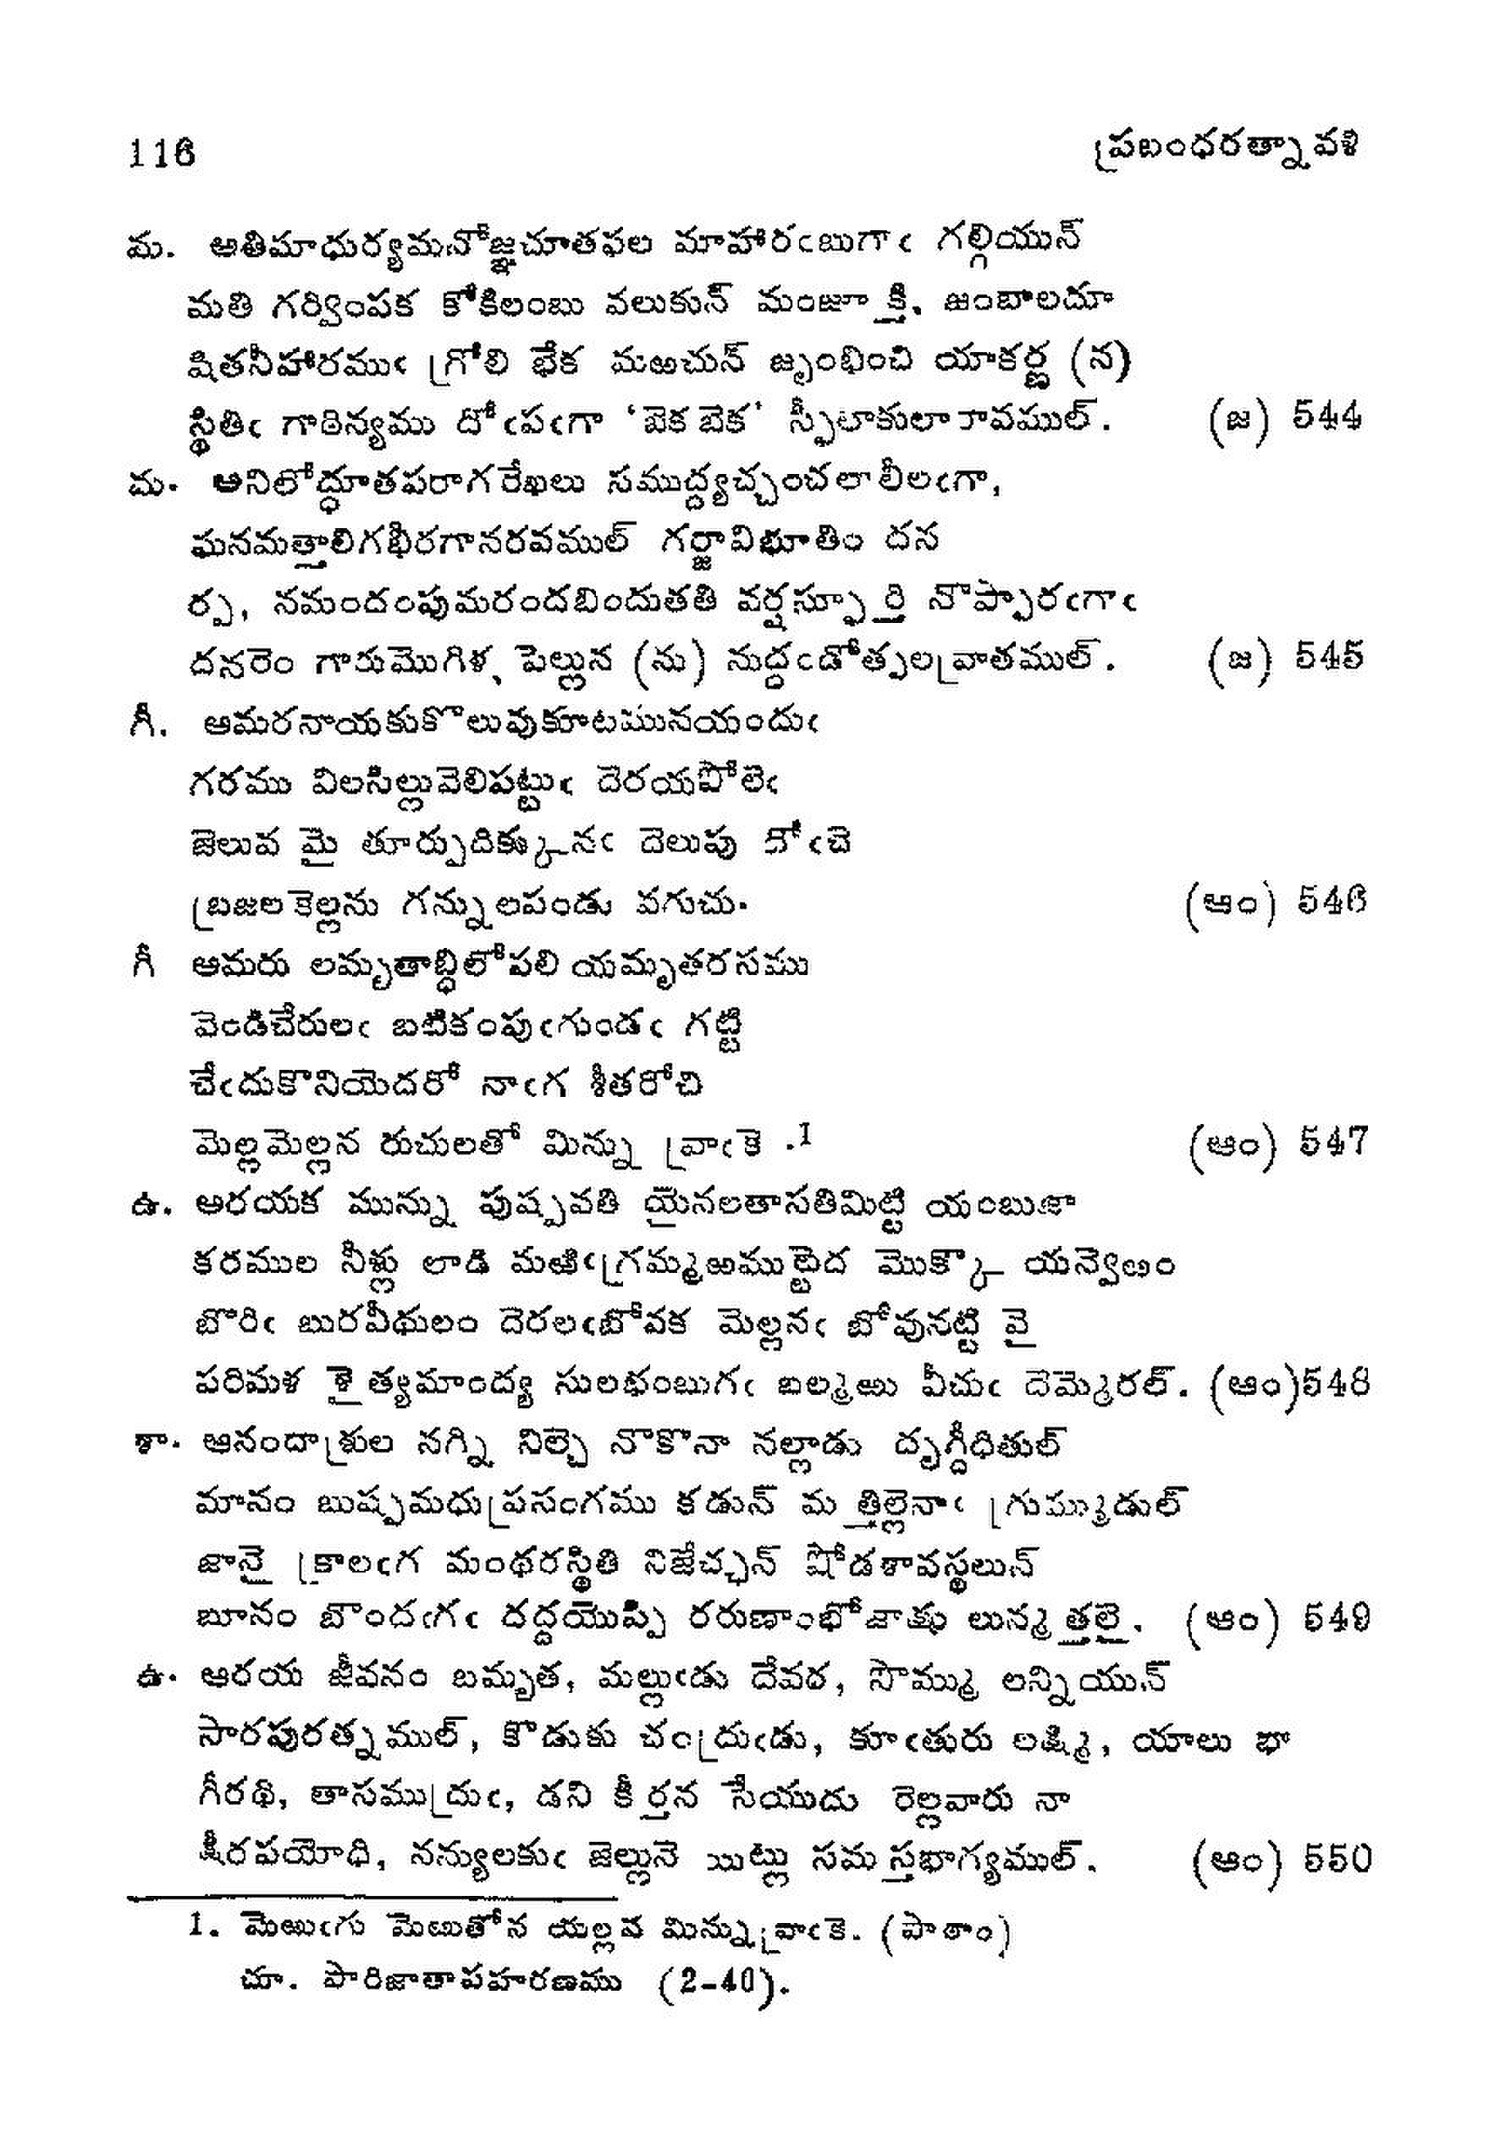మ. అతి మాధుర్యమనోజ్ఞ చూతఫల మాహారంబుగాఁ గల్గియున్
మతి గర్వింపక కోకిలంబు వలుకున్ మంజూక్తి, జంబాల దూ
షిత నీహారముఁ గ్రోలి భేక మఱచున్ జృంభించి యాకర్ణ [న]
స్థితిఁ గాఠిన్యము దోఁపఁగా ‘బెకబెక’ స్పీతకులారావముల్. (జ) 544

మ. అనిలోద్ధూత పరాగరేఖలు సముద్ధ్యచ్చంచలా లీలఁగా,
ఘనమత్తాలి గభీరగానరవముల్ గర్జావిభూతిం దన
ర్ప, నమందంపు మరందబిందుతతి వర్షస్ఫూర్తి నొప్పారఁగాఁ
దనరెం గారుమొగిళ్ళ, పెల్లున [ను] నుద్దండోత్పలవ్రాతముల్. (జ) 545

గీ. అమరనాయకు కొలువుకూటమున యందుఁ
గరము విలసిల్లు వెలిపట్టుఁ దెరయపోలెఁ
జెలువమై తూర్పుదిక్కునఁ దెలుపు దోఁచెఁ
బ్రజలకెల్లను గన్నులపండువగుచు. (ఆం) 546

గీ. అమరు లమృతాబ్ధి లోపలి యమృతరసము
వెండిచేరులఁ బటికంపుఁగుండఁగట్టి
చేఁదుకొనియెదరో నాఁగ శీతరోచి
మెల్లమెల్లన రుచులతో మిన్ను వ్రాఁకె. (ఆం) 547

ఉ. అరయక మున్ను పుష్పవతియైన లతాసతిముట్టి యంబుజా
కరముల నీళ్లులాడి మఱిఁగ్రమ్మఱ ముట్టెదమొక్కొ యన్వెఱం
బొరిఁ బురవీథులం దెరలఁబోవక మెల్లనఁ బోవునట్టివై
పరిమళ శైత్యమాంద్య సులభంబుగఁ బల్మఱు వీచుఁ దెమ్మెరల్. (ఆం) 548

శా. ఆనందాశ్రుల నగ్నినిల్చె నొకొ నా నల్లాడు దృగ్దీధితుల్
మానం బుష్పమధుప్రసంగము కడున్ మత్తిల్లెనాఁ గ్రుమ్ముడుల్
జానై క్రాలఁగ మంథరస్థితి నిజేచ్ఛన్ షోడశావస్థలున్
బూనం బొందఁగఁ దద్దయొప్పి రరుణాంభోజాక్షు లున్మత్తలై. (ఆం) 549

ఉ. ఆరయ జీవనంబమృత, మల్లుఁడు దేవర, సొమ్ములన్నియున్
సారపురత్నముల్, కొడుకు చంద్రుఁడు, కూఁతురు లక్ష్మి, యాలు భా
గీరథి, తా సముద్రుఁడని కీర్తన సేయుదు రెల్లవారు నా
క్షీరపయోధి, నన్యులకుఁజెల్లునె యిట్లు సమస్తభాగ్యముల్. (ఆం) 550